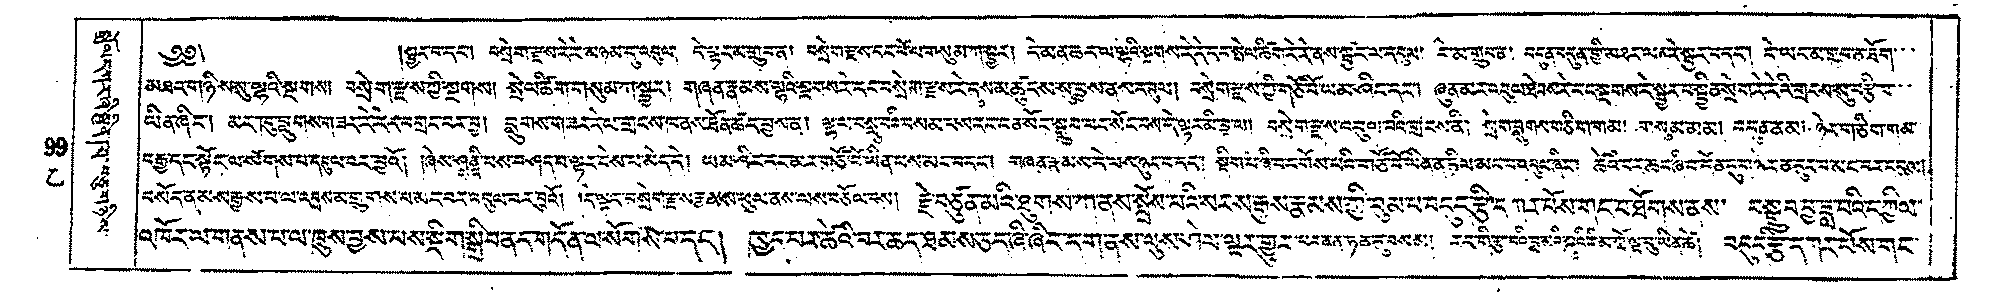༄༅། །སྦྱར་བ་དང་། བསྲེག་རྫས་རེ་རེ་མཉམ་དུ་འབུལ། དེ་ལྟར་མ་གྲུབ་ན། བསྲེག་རྫས་དང་པོ་ལ་གསུམ་ཀ་སྦྱར། དེ་མན་ཆད་ལ་ལྷའི་སྔགས་རེ་རེ་དང་སྤེལ་ཚིག་རེ་རེ་ནས་སྦྱར་ལ་དབུལ། དེ་མ་གྲུབ་ན། བདུན་བདུན་གྱི་མཐར་ལན་རེ་སྦྱར་བ་དང་། དེ་ཡང་མ་གྲུབ་ན་ཐོག་་་
མཐའ་གཉིས་སུ་ལྷའི་སྔགས། བསྲེག་རྫས་ཀྱི་སྔགས། སྤེལ་ཚིག་གསུམ་ཀ་སྦྱར། གཞན་རྣམས་ལྷའི་སྔགས་རེ་དང་བསྲེག་རྫས་རེ་དུས་མཚུངས་སུ་བྱས་ནས་དབུལ། བསྲེག་རྫས་ཀྱི་གཙོ་བོ་ཡམ་ཤིང་དང་། ཞུན་མར་འབུལ་ཐེབས་རེ་དང་སྔགས་རེ་སྦྱར་བ་སྦྱིན་སྲེག་རེ་རེའི་གྲངས་སུ་བརྩི་བ་་་
ཡིན་ཞིང་། མར་ཁུ་བླུགས་གཟར་རེ་རེར་བགྲང་བར་བྱ། བླུགས་གཟར་རེ་ལ་གྲངས་ཁ་ནས་ཐོན་ཚད་བྱས་ན། ལྷ་ལ་བསླུ་བའི་བསམ་པས་རང་ངན་སོང་སྒྲུབ་པར་སོང་བས་དེ་ལྟར་མི་བྱ་ལ། བསྲེག་རྫས་འབུལ་བའི་གྲངས་ནི། སྲེག་བླུགས་གཅིག་གམ། གསུམ་མམ། བདུན་ནམ། ཉེར་གཅིག་གམ་
བརྒྱ་དང་སྟོང་ལ་སོགས་པ་དབུལ་བར་བྱའོ། །ཞེས་ཤཱནྟི་པས་བཤད་པ་ལྟར་ངེས་པ་མེད་དེ། ཡ་མ་ཤིང་དང་མར་གཙོ་བོ་ཡིན་པས་མང་བ་དང་། གཞན་རྣམས་དེ་ལས་ཉུང་བ་དང་། སྡིག་པ་ཞི་བ་དགོས་པའི་གཙོ་བོ་ཡིན་ན་ཏིལ་མང་བ་འབུལ་ཞིང་། ཚེའི་བར་ཆད་ཞི་བ་དོན་དུ་གཉེར་ན་དུར་བ་མང་བར་དབུལ།
བསོད་ནམས་རྒྱས་པ་ལ་འབྲས་མ་གྲུགས་པ་མང་བར་འབུལ་བར་བྱའོ། །དེ་ལྟར་བསྲེག་རྫས་རྣམས་ཕུལ་ནས་ལས་བཅོལ་བས། རྗེ་བཙུན་མའི་ཐུགས་ཀ་ནས་སྤྲོས་པའི་སངས་རྒྱས་རྣམས་ཀྱི་བུམ་པ་བདུད་རྩི་དཀར་པོས་གང་བ་ཐོགས་ནས། བསྒྲུབ་བྱ་ཟླ་བའི་དཀྱིལ་
འཁོར་ལ་གནས་པ་ལ་ཁྲུས་བྱས་པས་སྡིག་སྒྲིབ་ནད་གདོན་ལ་སོགས་པ་དང་། ཁྱད་པར་ཚེའི་བར་ཆད་ཐམས་ཅད་ཞི་ཞིང་དག་ནས་ལུས་ཤེལ་ལྟར་གྱུར་པར་ནན་ཏན་དུ་བསམ། རང་གི་རྩ་བའི་བླ་མའི་སྐུའི་རིམ་གྲོ་ལྟ་བུ་ཡིན་ཚེ། བདུད་རྩེ་དཀར་པོས་གང་